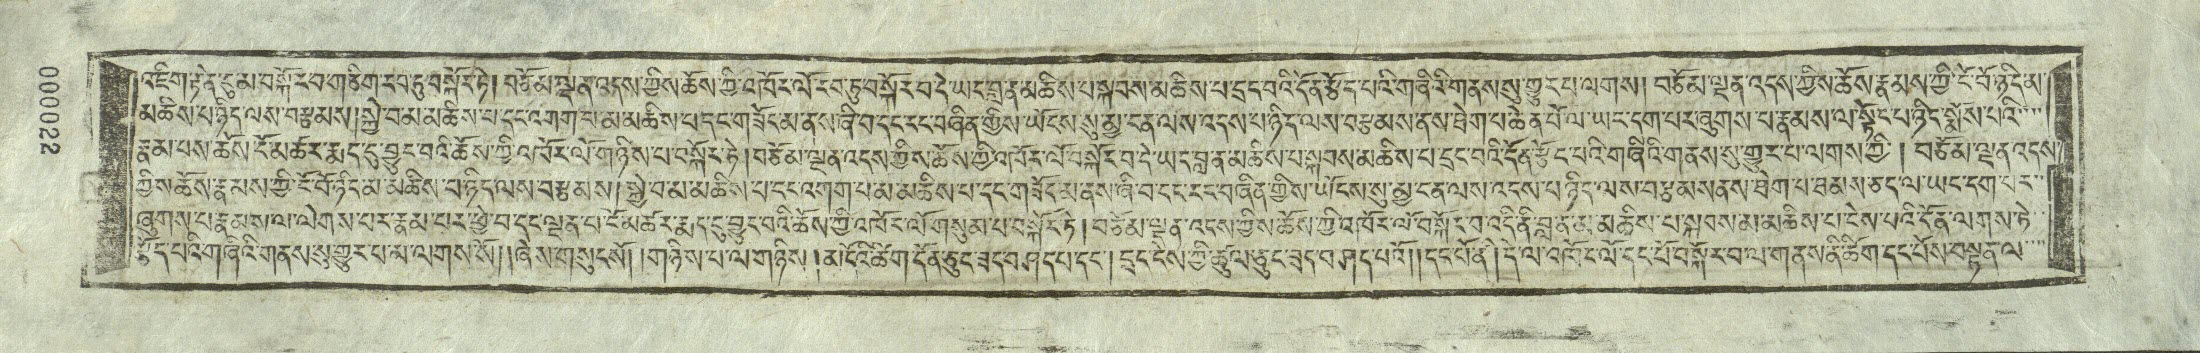འཇིག་རྟེན་དུ་མ་བསྐོར་བ་གཅིག་རབ་ཏུ་བསྐོར་ཏེ། བཅོམ་ལྡན་འདས་ཀྱིས་ཆོས་ཀྱི་འཁོར་ལོ་རབ་ཏུ་བསྐོར་བ་དེ་ཡང་བླ་ན་མཆིས་པ་སྐབས་མཆིས་པ་དྲང་བའི་དོན་རྩོད་པའི་གཞིའི་གནས་སུ་གྱུར་པ་ལགས། བཅོམ་ལྡན་འདས་ཀྱིས་ཆོས་རྣམས་ཀྱི་ངོ་བོ་ཉིད་མ་
མཆིས་པ་ཉིད་ལས་བརྩམས། སྐྱེ་བ་མ་མཆིས་པ་དང་འགག་པ་མ་མཆིས་པ་དང་གཟོད་མ་ནས་ཞི་བ་དང་རང་བཞིན་གྱིས་ཡོངས་སུ་མྱ་ངན་ལས་འདས་པ་ཉིད་ལས་བརྩམས་ནས་ཐེག་པ་ཆེན་པོ་ལ་ཡང་དག་པར་ཞུགས་པ་རྣམས་ལ་སྟོང་པ་ཉིད་སྨོས་པའི་
རྣམ་པས་ཆེས་ངོ་མཚར་རྨད་དུ་བྱུང་བའི་ཆོས་ཀྱི་འཁོར་ལོ་གཉིས་པ་བསྐོར་ཏེ། བཅོམ་ལྡན་འདས་ཀྱིས་ཆོས་ཀྱི་འཁོར་ལོ་བསྐོར་བ་དེ་ཡང་བླ་ན་མཆིས་པ་སྐབས་མཆིས་པ་དྲང་བའི་དོན་རྩོད་པའི་གཞིའི་གནས་སུ་གྱུར་པ་ལགས་ཀྱི། བཅོམ་ལྡན་འདས་
ཀྱིས་ཆོས་རྣམས་ཀྱི་ངོ་བོ་ཉིད་མ་མཆིས་པ་ཉིད་ལས་བརྩམས། སྐྱེ་བ་མ་མཆིས་པ་དང་འགག་པ་མ་མཆིས་པ་དང་གཟོད་མ་ནས་ཞི་བ་དང་རང་བཞིན་གྱིས་ཡོངས་སུ་མྱ་ངན་ལས་འདས་པ་ཉིད་ལས་བརྩམས་ནས་ཐེག་པ་ཐམས་ཅད་ལ་ཡང་དག་པར་
ཞུགས་པ་རྣམས་ལ་ལེགས་པར་རྣམ་པར་ཕྱེ་བ་དང་ལྡན་པ་ངོ་མཚར་རྨད་དུ་བྱུང་བའི་ཆོས་ཀྱི་འཁོར་ལོ་གསུམ་པ་བསྐོར་ཏེ། བཅོམ་ལྡན་འདས་ཀྱིས་ཆོས་ཀྱི་འཁོར་ལོ་བསྐོར་བ་འདི་ནི་བླ་ན་མ་མཆིས་པ་སྐབས་མ་མཆིས་པ་ངེས་པའི་དོན་ལགས་ཏེ་
རྩོད་པའི་གཞིའི་གནས་སུ་གྱུར་པ་མ་ལགས་སོ། །ཞེས་གསུངས་སོ། །གཉིས་པ་ལ་གཉིས། མདོའི་ཚིག་དོན་ཅུང་ཟད་བཤད་པ་དང་། དྲང་ངེས་ཀྱི་ཚུལ་ཅུང་ཟད་བཤད་པའོ། །དང་པོ་ནི། དེ་ལ་འཁོར་ལོ་དང་པོ་བསྐོར་བ་ལ་གནས་ནི་ཚིག་དང་པོས་བསྟན་ལ་